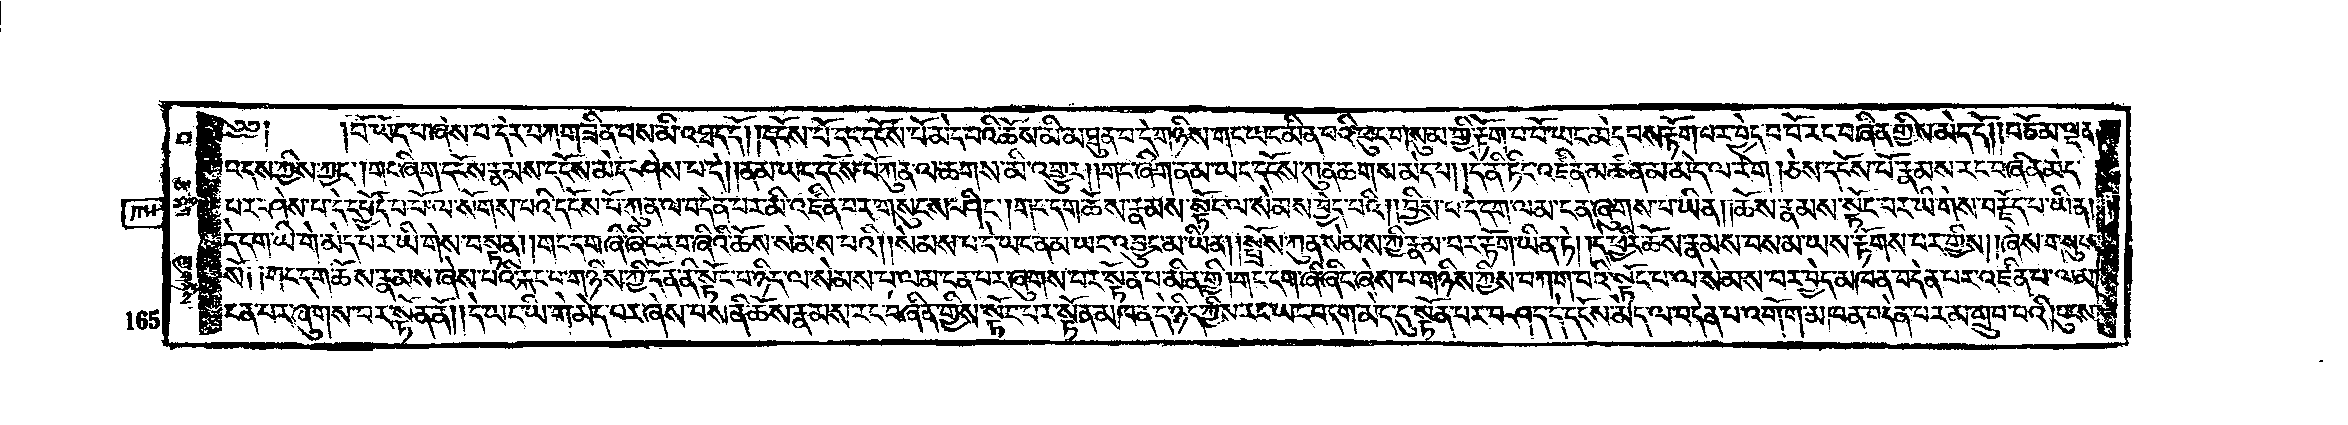༄༅། །པོ་ཡོད་པ་ཞེས་པ་དར་བཀག་ཟིན་པས་མི་འཐད་དོ། །དངོས་པོ་དང་དངོས་པོ་མེད་པའི་ཆོས་མི་མཐུན་པ་དེ་གཉིས་གང་ཡང་མིན་པའི་ཕུང་གསུམ་གྱི་རྟོག་པ་པོ་ཡང་མེད་པས་རྟོག་པར་བྱེད་པ་པོ་རང་བཞིན་གྱིས་མེད་དོ། །བཅོམ་ལྡན་
འདས་ཀྱིས་ཀྱང་། གང་ཞིག་དངོས་རྣམས་དངོས་མེད་ཤེས་པ་དེ། །ནམ་ཡང་དངོས་པོ་ཀུན་ལ་ཆགས་མི་འགྱུར། །གང་ཞིག་ནམ་ཡང་དངོས་ཀུན་ཆགས་མེད་པ། །དེ་ནི་ཏིང་འཛིན་མཚན་མ་མེད་ལ་རེག། ཅེས་དངོས་པོ་རྣམས་རང་བཞིན་མེད་
པར་ཤེས་པ་དེ་དཔྱོད་པ་པོ་ལ་སོགས་པའི་དངོས་པོ་ཀུན་ལ་བདེན་པར་མི་འཛིན་པར་གསུངས་ཤིང་། གང་དག་ཆོས་རྣམས་སྟོང་ལ་སེམས་བྱེད་པའི། །བྱིས་པ་དེ་དག་ལམ་ངན་ཞུགས་པ་ཡིན། །ཆོས་རྣམས་སྟོང་པར་ཡི་གེས་བརྗོད་པ་ཡིན།
དེ་དག་ཡི་གེ་མེད་པར་ཡི་གེས་བསྟན། །གང་དག་ཞི་ཞིང་རབ་ཞིའི་ཆོས་སེམས་པའི། །སེམས་པ་དེ་ཡང་ནམ་ཡང་འབྱུང་མ་ཡིན། །སྤྲོས་ཀུན་སེམས་ཀྱི་རྣམ་པར་རྟོག་ཡིན་ཏེ། །དེ་ཕྱིར་ཆོས་རྣམས་བསམ་ཡས་རྟོགས་པར་གྱིས། །ཞེས་གསུངས་
སོ༑ ༑གང་དག་ཆོས་རྣམས་ཞེས་པའི་རྐང་པ་གཉིས་ཀྱི་དོན་ནི་སྟོང་པ་ཉིད་ལ་སེམས་པ་ལམ་ངན་པར་ཞུགས་པར་སྟོན་པ་མིན་གྱི། གང་དག་ཞི་ཞིང་ཞེས་པ་གཉིས་ཀྱིས་བཀག་པའི་སྟོང་བ་ལ་སེམས་པར་བྱེད་མཁན་བདེན་པར་འཛིན་པ་ལམ་
ངན་པར་ཞུགས་པར་སྟོན་ནོ། །དེ་ཡང་ཡི་གེ་མེད་པར་ཞེས་པས་ནི་ཆོས་རྣམས་རང་བཞིན་གྱིས་སྟོང་པར་སྟོན་མཁན་དེ་ཉིད་ཀྱིས་རང་ཡང་བདག་མེད་དུ་སྟོན་པར་བཤད་དེ་དངོས་མེད་ལ་བདེན་པ་འགོག་མཁན་བདེན་པར་མ་གྲུབ་པའི་ཁུངས་